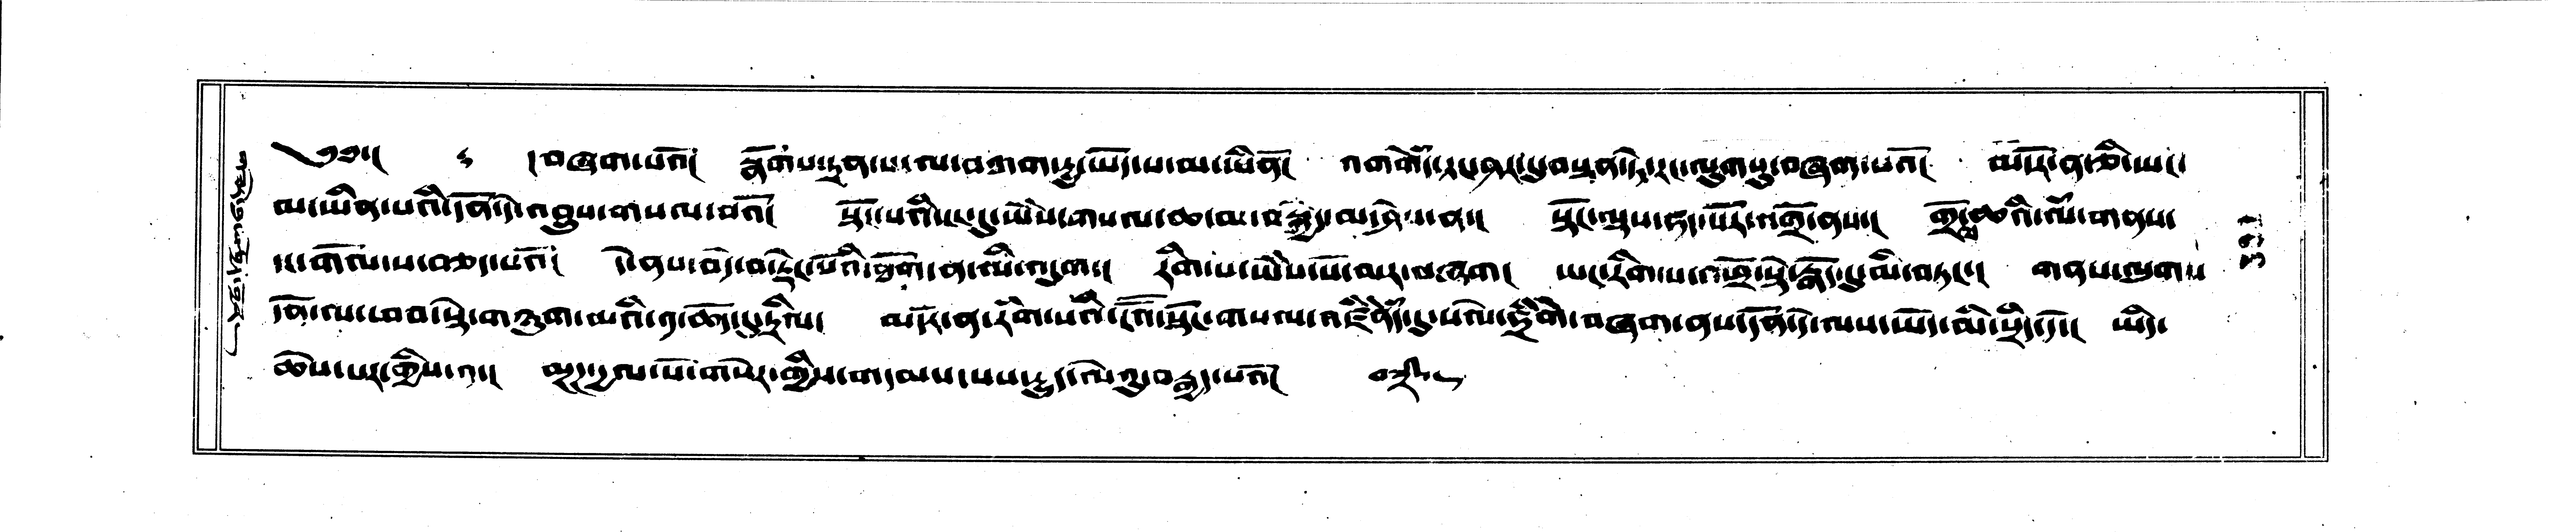བཞག་པའོ། སྣ་ཚོགས་དྲན་པ་བཀག་རྒྱུ་ཡོད་པ་མ་ཡིན་ནོ། གྷག་(འགག)མེད་རང་ཤར་དུ་བསྟན་སྟེ་རང་ལུགས་སུ་བཞག་པའོ། མདོར་ན་ཅི་ཡང་
མ་ཡིན་པའི་དོན་དེ་འབྲས་བུ་རང་སར་གནས་པའོ། སྟོང་པའི་ངང་དུ་ཡེ་ཤེས་གསལ་ཆ་བསྐྱེད་མ་ཤེས་ན། སྟོང་ལྟ་ཧེད་པོར་འགྲོ་ནས། གྲོལ་ཆའི་ལམ་དང་གག་
དང་གོལ་ས་བཅད་པའོ། དེ་ན་བདེ་བར་སྟོང་པའི་‘ རིག་པའི་ཡེ་ཤེས་སོ་མར་བཞག ཡང་རིག་པ་འཕྲོ་སྟེ་རྒོད་དུས་མི་བཏང་མི་ཉལ། གནས་ལུགས་
དོན་ལ་ཕབ་སྟེ། གཉུག་མ་ཅིག་ཆོད་དུ་དྲིལ། མདོར་ན་རིག་པའི་ངོའོ་སྟོང་གསལ་འཛིན་མེད་དུ་སལེ་ཧྲིགེ་བཞག་ན། དོན་དེ་ལས་ཡོད་མི་སྲིད་དོ། ཡིད་
ཆེས་པར་གྱིས་ཅིག མེན་ངག་རྒྱལ་པོ་གསེར་གྱིས་གདམ་པ་འདིའི་རྒྱུད་སྡེ་ལེའུ་བརྒྱད་པའོ། །བཀྲ་ཤིས། །༼ན༽